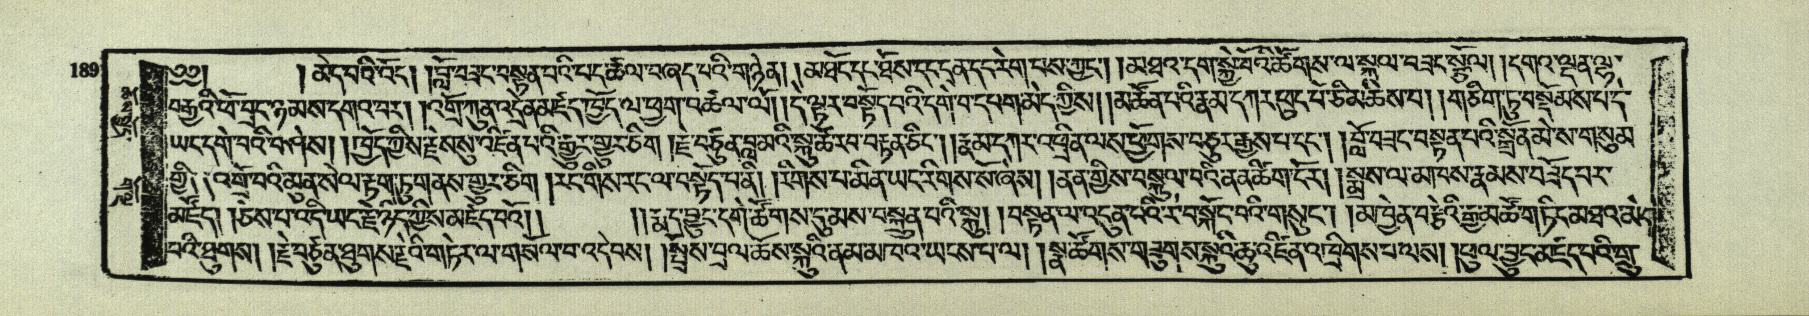༄༅། །མེད་པའི་འོད། །བློ་བཟང་བསྟན་པའི་པད་ཚལ་བཞད་པའི་གཉེན། །མཐོང་དང་ཐོས་དང་དྲན་དང་རེག་པས་ཀྱང་། །མཐའ་དག་སྐྱེ་བོའི་ཚོགས་ལ་སྐལ་བཟང་སྩོལ། །དགའ་ལྡན་ལྷ།
བརྒྱའི་ཕོ་བྲང་ཉམས་དགའ་བར། །འགྲོ་ཀུན་འདྲེན་མཛད་ཁྱོད་ལ་ཕྱག་འཚལ་ལོ། །དེ་ལྟར་བསྟོད་པའི་དགེ་བ་དཔག་མེད་ཀྱིས། །མཚོན་པའི་རྣམ་དཀར་ཕུང་པོ་ཅི་མཆིས་པ། །གཅིག་ཏུ་བསྡོམས་པ་དེ་
ཡང་དགེ་བའི་བཤེས། །ཁྱོད་ཀྱིས་རྗེས་སུ་འཛིན་པའི་རྒྱུར་གྱུར་ཅིག །རྗེ་བཙུན་བླ་མའི་སྐུ་ཚེ་རབ་བརྟན་ཅིང་། །རྣམ་དཀར་འཕྲིན་ལས་ཕྱོགས་བཅུར་རྒྱས་པ་དང་། །བློ་བཟང་བསྟན་པའི་སྒྲོན་མེ་ས་གསུམ་
གྱི༑ ༑འགྲོ་བའི་མུན་སེལ་རྟག་ཏུ་གནས་གྱུར་ཅིག །རང་གིས་རང་ལ་བསྟོད་པ་ནི། །རིགས་པ་མིན་ཡང་རིགས་སོ་ཞེས། །ནན་གྱིས་བསྐུལ་བའི་ནན་ཚིག་ངོར། །སྨྲས་ལ་མཁས་རྣམས་བཟོད་པར་
མཛོད། །ཅེས་པ་འདི་ཡང་རྗེ་ཉིད་ཀྱིས་མཛད་པའོ།། །།རྨད་བྱུང་དགེ་ཚོགས་དུ་མས་བསྐྲུན་པའི་སྐུ། །བསྟན་ལ་འདུན་པའི་ར་བ་སྐོང་བའི་གསུང་། །མཁྱེན་བརྩེའི་རྒྱ་མཚོ་གཏིང་མཐའ་མེད་
པའི་ཐུགས། །རྗེ་བཙུན་ཐུགས་རྗེའི་གཏེར་ལ་གསོལ་བ་འདེབས། །སྤྲོས་བྲལ་ཆོས་སྐུའི་ནམ་མཁའ་ཡངས་པ་ལ། །སྣ་ཚོགས་གཟུགས་སྐུའི་ཆུ་འཛིན་འཁྲིགས་པ་ལས། །ཕུལ་བྱུང་མཛད་པའི་གྲུ་